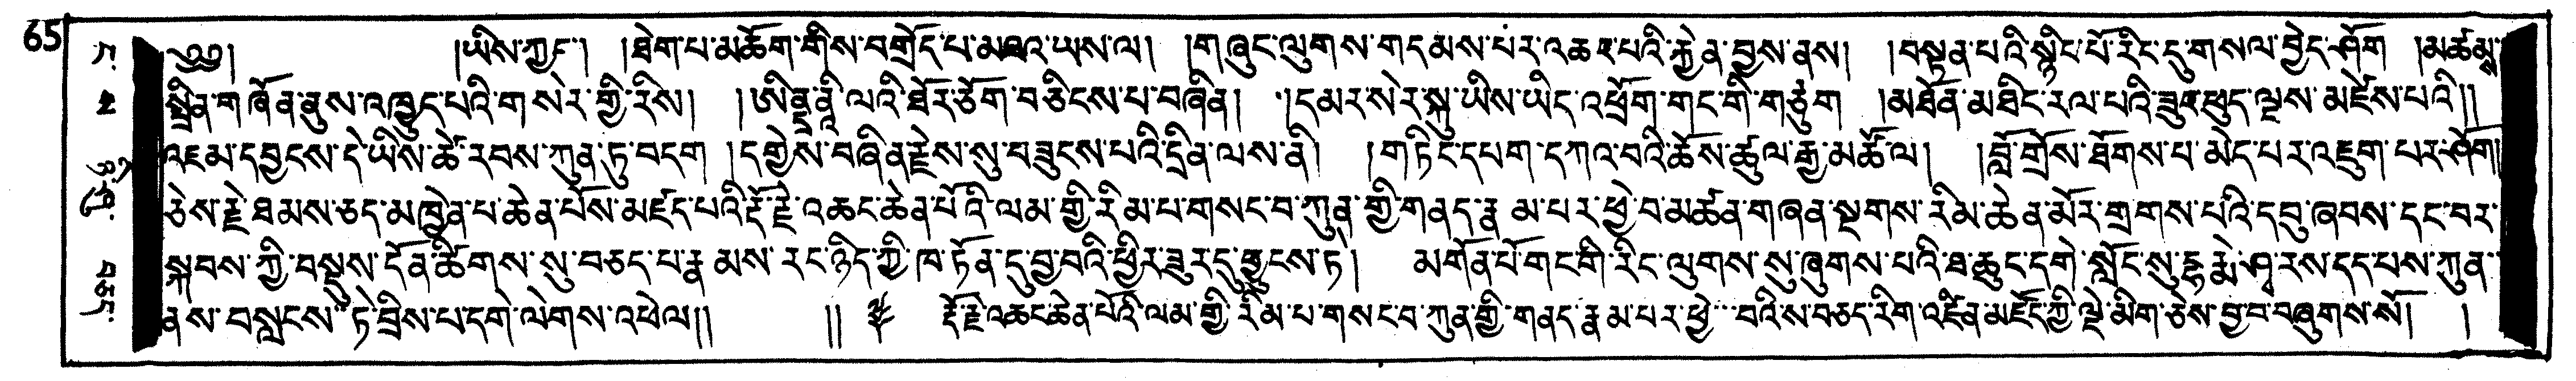༄༅། །ཡིས་ཀྱང་། །ཐེག་པ་མཆོག་གིས་བགྲོད་པ་མཐའ་ཡས་ལ། །གཞུང་ལུགས་གདམས་པར་འཆར་པའི་རྐྱེན་བྱས་ནས། །བསྟན་པའི་སྙིང་པོ་རིང་དུ་གསལ་བྱེད་ཤོག །མཚམས་
སྤྲིན་གཞོན་ནུས་འཁྱུད་པའི་གསེར་གྱི་རིས། །ཨིནྡྲ་ནཱི་ལའི་ཐོར་ཅོག་བཅིངས་པ་བཞིན། །དམར་སེར་སྐུ་ཡིས་ཡིད་འཕྲོག་གང་གི་གཙུག །མཐོན་མཐིང་རལ་པའི་ཟུང་ཕུད་ལྔས་མཛེས་པའི།།
འཇམ་དབྱངས་དེ་ཡིས་ཚེ་རབས་ཀུན་ཏུ་བདག །དགྱེས་བཞིན་རྗེས་སུ་བཟུངས་པའི་དྲིན་ལས་ནི། །གཏིང་དཔག་དཀའ་བའི་ཆོས་ཚུལ་རྒྱ་མཚོ་ལ། །བློ་གྲོས་ཐོགས་པ་མེད་པར་འཇུག་པར་ཤོག།
ཅེས་རྗེ་ཐམས་ཅད་མཁྱེན་པ་ཆེན་པོས་མཛད་པའི་རྡོ་རྗེ་འཆང་ཆེན་པོའི་ལམ་གྱི་རིམ་པ་གསང་བ་ཀུན་གྱི་གནད་རྣམ་པར་ཕྱེ་བ་མཚན་གཞན་སྔགས་རིམ་ཆེན་མོར་གྲགས་པའི་དབུ་ཞབས་དང་བར་
སྐབས་ཀྱི་བསྡུས་དོན་ཚིགས་སུ་བཅད་པ་རྣམས་རང་ཉིད་ཀྱི་ཁ་ཏོན་དུ་བྱ་བའི་ཕྱིར་ཟུར་དུ་ཕྱུངས་ཏེ། མགོན་པོ་གང་གི་རིང་ལུགས་སུ་ཞུགས་པའི་ཐ་ཆུང་དགེ་སློང་སུ་དྷརྨེ་ཤྭ་རས་དད་པས་ཀུན་
ནས་བསླངས་ཏེ་བྲིས་པ་དགེ་ལེགས་འཕེལ།། །། ༈ རྡོ་རྗེ་འཆང་ཆེན་པོའི་ལམ་གྱི་རིམ་པ་གསང་བ་ཀུན་གྱི་གནད་རྣམ་པར་ཕྱེ་བའི་ས་བཅད་རིག་འཛིན་མཛོད་ཀྱི་ལྔེ་མིག་ཅེས་བྱ་བ་བཞུགས་སོ། །